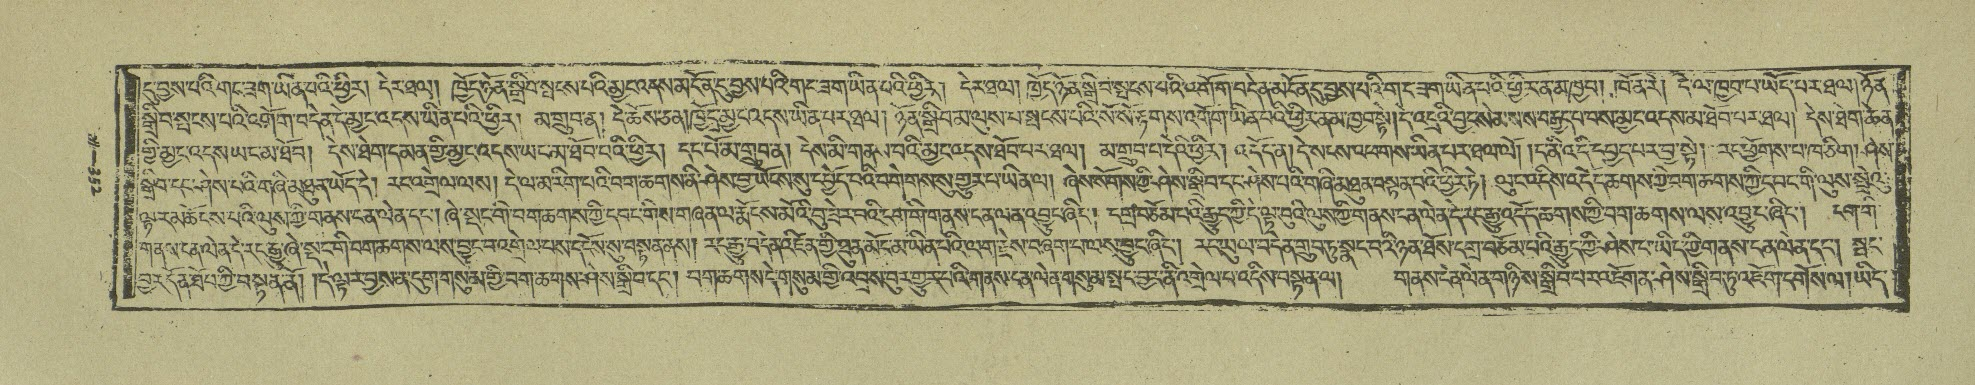དུ་བྱས་པའི་གང་ཟག་ཡིན་པའི་ཕྱིར། དེར་ཐལ། ཁྱོད་ཉོན་སྒྲིབ་སྤངས་པའི་མྱང་འདས་མངོན་དུ་བྱས་པའི་གང་ཟག་ཡིན་པའི་ཕྱིར། དེར་ཐལ། ཁྱོད་ཉོན་སྒྲིབ་སྤངས་པའི་འགོག་བདེན་མངོན་དུ་བྱས་པའི་གང་ཟག་ཡིན་པའི་ཕྱིར་ན་མ་ཁྱབ། ཁོ་ན་རེ། དེ་ལ་ཁྱབ་པ་ཡོད་པར་ཐལ། ཉོན་
སྒྲིབ་སྤངས་པའི་འགོག་བདེན་དེ་མྱང་འདས་ཡིན་པའི་ཕྱིར། མ་གྲུབ་ན། དེ་ཆོས་ཅན། ཁྱོད་མྱང་འདས་ཡིན་པར་ཐལ། ཉོན་སྒྲིབ་མ་ལུས་པ་སྤངས་པའི་སོ་སོ་རྟགས་འགོག་ཡིན་པའི་ཕྱིར་ན་མ་ཁྱབ་སྟེ། དེ་འདྲའི་བྱང་སེམས་ས་བརྒྱད་པ་བས་མྱང་འདས་མ་ཐོབ་པར་ཐལ། དེས་ཐེག་ཆེན་
གྱི་མྱང་འདས་ཡང་མ་ཐོབ། དེས་ཐེག་དམན་གྱི་མྱང་འདས་ཡང་མ་ཐོབ་པའི་ཕྱིར། དང་པོ་མ་གྲུབ་ན། དེས་མི་གནས་པའི་མྱང་འདས་ཐོབ་པར་ཐལ། མ་གྲུབ་པ་དེའི་ཕྱིར། འདོད་ན། དེ་སངས་རྒྱས་འཕགས་ཡིན་པར་ཐལ་ལོ། །ད་ནི་འདི་དཔྱད་པར་བྱ་སྟེ། རང་ཕྱོགས་པ་ཁ་ཅིག །ཤེས་
སྒྲིབ་དང་ཤེས་པའི་གཞི་མཐུན་ཡོད་དེ། རང་འགྲེལ་ལས། དེ་ལ་མ་རིག་པའི་བག་ཆགས་ནི་ཤེས་བྱ་ཡོངས་སུ་དཔྱོད་པའི་བགེགས་སུ་གྱུར་པ་ཡིན་ལ། ཞེས་སོགས་ཀྱི་ཤེས་སྒྲིབ་དང་ཤེས་པའི་གཞི་མཐུན་བསྟན་པའི་ཕྱིར་ཏེ། ལུང་འདིས་འདོད་ཆགས་ཀྱི་བག་ཆགས་ཀྱི་དབང་གི་ལུས་སྤྲེའུ་
ལྟར་མཆོངས་པའི་ལུས་ཀྱི་གནས་ངན་ལེན་དང་། ཞེ་སྡང་གི་བག་ཆགས་ཀྱི་དབང་གིས་གཞན་ལ་རྨོངས་མོའི་བུ་ཟར་བའི་ངག་གི་གནས་ངན་ལན་འབྱུང་ཞིང་། དགྲ་བཅོམ་པའི་རྒྱུད་ཀྱི་དེ་ལྟ་བུའི་ལུས་ཀྱི་གནས་ངན་ལེན་དེ་རང་རྒྱུ་འདོད་ཆགས་ཀྱི་བག་ཆགས་ལས་འབྱུང་ཞིང་། ངག་གི་
གནས་ངན་ལེན་དེ་རང་རྒྱུ་ཞེ་སྡང་གི་བག་ཆགས་ལས་བྱུང་བ་འགྲེལ་པས་དངོས་སུ་བསྟན་ནས། རང་རྒྱུ་བདེན་འཛིན་གྱི་ཐུན་མོང་མ་ཡིན་པའི་ལག་རྗེས་བཞག་པ་ལས་བྱུང་ཞིང་། རང་ཡུལ་བདེན་གྲུབ་ཏུ་སྣང་བའི་ཉན་ཐོས་དགྲ་བཅོམ་པའི་རྒྱུད་ཀྱི་ཤེས་པ་ཡིད་ཀྱི་གནས་ངན་ལེན་དང་། སྤང་
བྱར་དོན་ཐོབ་ཀྱི་བསྟན་ནོ། །དེ་ལྟར་བྱས་ན་དུག་གསུམ་གྱི་བག་ཆགས་ཤེས་སྒྲིབ་དང་། བག་ཆགས་དེ་གསུམ་གྱི་འབྲས་བུར་གྱུར་པའི་གནས་ངན་ལེན་གསུམ་སྤང་བྱར་ནི་འགྲེལ་བ་འདིས་བསྟན་ལ། གནས་ངན་ལེན་གཉིས་སྒྲིབ་པར་འཇོག་ན་ཤེས་སྒྲིབ་ཏུ་འཇོག་དགོས་ལ། ཡིད་